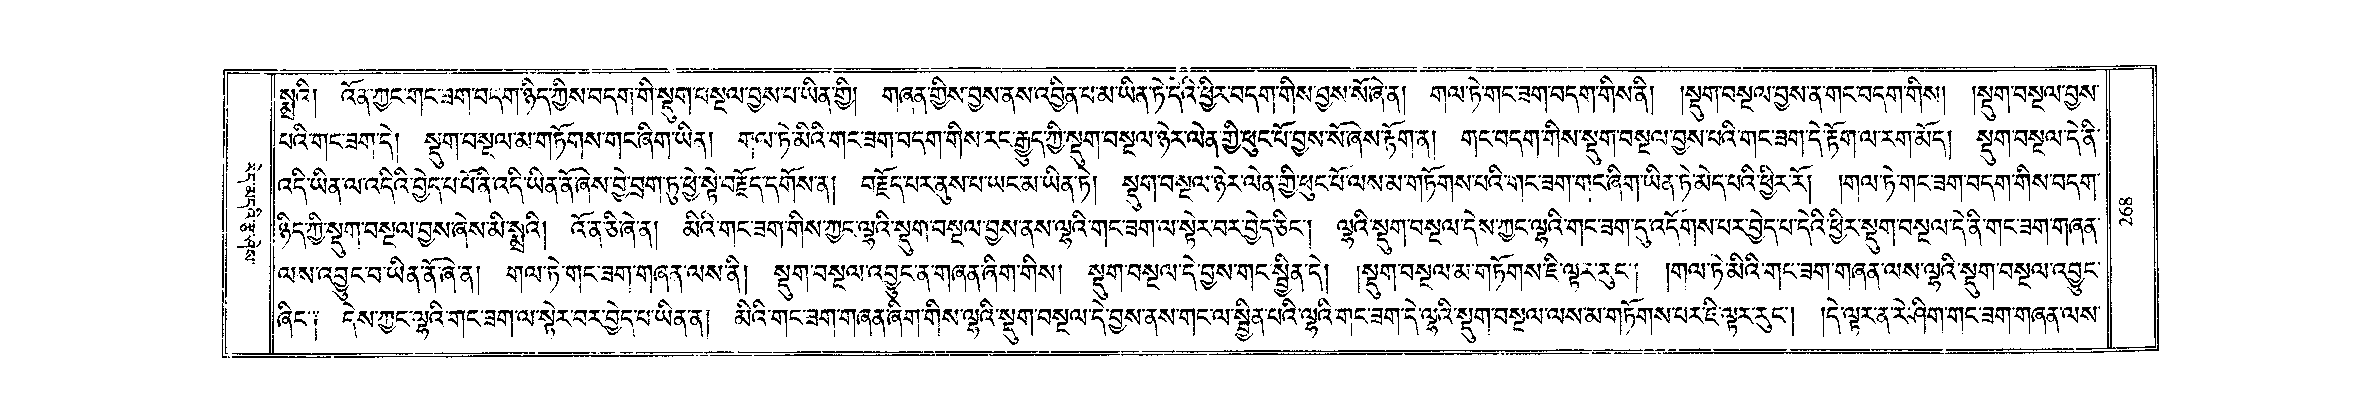སྨྲའི། འོན་ཀྱང་གང་ཟག་བདག་ཉིད་ཀྱིས་བདག་གི་སྡུག་བསྔལ་བྱས་པ་ཡིན་གྱི། གཞན་གྱིས་བྱས་ནས་འབྱིན་པ་མ་ཡིན་ཏེ་དེའི་ཕྱིར་བདག་གིས་བྱས་སོ་ཞེ་ན། གལ་ཏེ་གང་ཟག་བདག་གིས་ནི། །སྡུག་བསྔལ་བྱས་ན་གང་བདག་གིས། །སྡུག་བསྔལ་བྱས་
པའི་གང་ཟག་དེ། སྡུག་བསྔལ་མ་གཏོགས་གང་ཞིག་ཡིན། གལ་ཏེ་མིའི་གང་ཟག་བདག་གིས་རང་རྒྱུད་ཀྱི་སྡུག་བསྔལ་ཉེར་ལེན་གྱི་ཕུང་པོ་བྱས་སོ་ཞེས་རྟོག་ན། གང་བདག་གིས་སྡུག་བསྔལ་བྱས་པའི་གང་ཟག་དེ་རྟོག་ལ་རག་མོད། སྡུག་བསྔལ་དེ་ནི་
འདི་ཡིན་ལ་འདིའི་བྱེད་པ་པོ་ནི་འདི་ཡིན་ནོ་ཞེས་བྱེ་བྲག་ཏུ་ཕྱེ་སྟེ་བརྗོད་དགོས་ན། བརྗོད་པར་ནུས་པ་ཡང་མ་ཡིན་ཏེ། སྡུག་བསྔལ་ཉེར་ལེན་གྱི་ཕུང་པོ་ལས་མ་གཏོགས་པའི་གང་ཟག་གང་ཞིག་ཡིན་ཏེ་མེད་པའི་ཕྱིར་རོ། །གལ་ཏེ་གང་ཟག་བདག་གིས་བདག་
ཉིད་ཀྱི་སྡུག་བསྔལ་བྱས་ཞེས་མི་སྨྲའི། འོ་ན་ཅི་ཞེ་ན། མིའི་གང་ཟག་གིས་ཀྱང་ལྷའི་སྡུག་བསྔལ་བྱས་ནས་ལྷའི་གང་ཟག་ལ་སྟེར་བར་བྱེད་ཅིང་། ལྷའི་སྡུག་བསྔལ་དེས་ཀྱང་ལྷའི་གང་ཟག་དུ་འདོགས་པར་བྱེད་པ་དེའི་ཕྱིར་སྡུག་བསྔལ་དེ་ནི་གང་ཟག་གཞན་
ལས་འབྱུང་བ་ཡིན་ནོ་ཞེ་ན། གལ་ཏེ་གང་ཟག་གཞན་ལས་ནི། སྡུག་བསྔལ་འབྱུང་ན་གཞན་ཞིག་གིས། སྡུག་བསྔལ་དེ་བྱས་གང་སྦྱིན་དེ། །སྡུག་བསྔལ་མ་གཏོགས་ཇི་ལྟར་རུང་། །གལ་ཏེ་མིའི་གང་ཟག་གཞན་ལས་ལྷའི་སྡུག་བསྔལ་འབྱུང་
ཞིང༑ དེས་ཀྱང་ལྷའི་གང་ཟག་ལ་སྟེར་བར་བྱེད་པ་ཡིན་ན། མིའི་གང་ཟག་གཞན་ཞིག་གིས་ལྷའི་སྡུག་བསྔལ་དེ་བྱས་ནས་གང་ལ་སྦྱིན་པའི་ལྷའི་གང་ཟག་དེ་ལྷའི་སྡུག་བསྔལ་ལས་མ་གཏོགས་པར་ཇི་ལྟར་རུང་། །དེ་ལྟར་ན་རེ་ཤིག་གང་ཟག་གཞན་ལས་